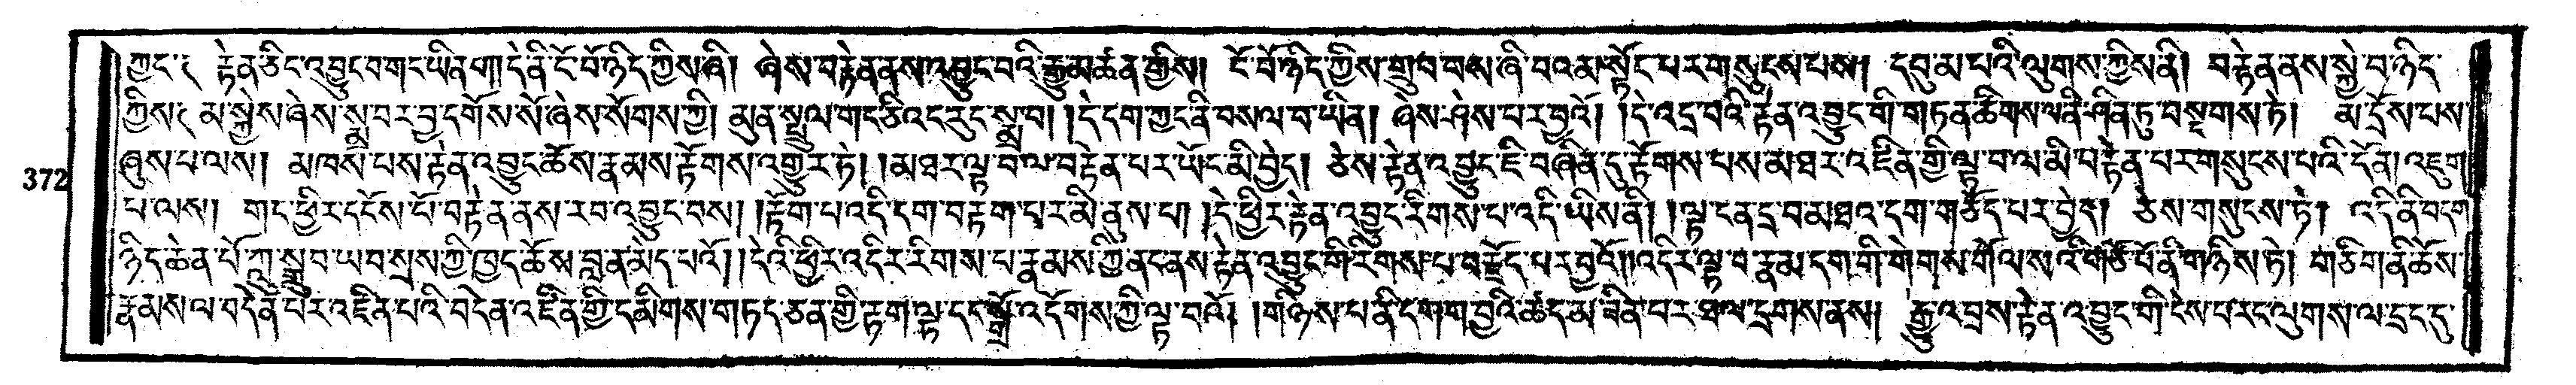ཀྱང༑ རྟེན་ཅིང་འབྱུང་བ་གང་ཡིན་པ། །དེ་ནི་ངོ་བོ་ཉིད་ཀྱིས་ཞི། ཞེས་བརྟེན་ནས་འབྱུང་བའི་རྒྱུ་མཚན་གྱིས། ངོ་བོ་ཉིད་ཀྱིས་གྲུབ་བས་ཞི་བའམ་སྟོང་པར་གསུངས་པས། དབུ་མ་པའི་ལུགས་ཀྱིས་ནི། བརྟེན་ནས་སྐྱེ་བ་ཉིད་
ཀྱིས༑ མ་སྐྱེས་ཞེས་སྨྲ་བར་བྱ་དགོས་སོ་ཞེས་སོགས་ཀྱི། མུན་སྤྲུལ་གང་ཅིའང་རུང་སྨྲ་བ། །དེ་དག་ཀྱང་ནི་བསལ་བ་ཡིན། ཞེས་ཤེས་པར་བྱའོ། །དེ་འདྲ་བའི་རྟེན་འབྱུང་གི་གཏན་ཚིགས་ལ་ནི་ཤིན་ཏུ་བསྔགས་ཏེ། མ་དྲོས་པས་
ཞུས་པ་ལས། མཁས་པས་རྟེན་འབྱུང་ཆོས་རྣམས་རྟོགས་འགྱུར་ཏེ། །མཐར་ལྟ་བ་ལ་བརྟེན་པར་ཡོང་མི་བྱེད། ཅེས་རྟེན་འབྱུང་ཇི་བཞིན་དུ་རྟོགས་པས་མཐར་འཛིན་གྱི་ལྟ་བ་ལ་མི་རྟེན་པར་གསུངས་པའི་དོན། འཇུག་
པ་ལས། གང་ཕྱིར་དངོས་པོ་བརྟེན་ནས་རབ་འབྱུང་བས། །རྟོག་པ་འདི་དག་བརྟག་པར་མི་ནུས་པ། །དེ་ཕྱིར་རྟེན་འབྱུང་རིགས་པ་འདི་ཡིས་ནི། ལྟ་ངན་དྲ་བ་མཐའ་དག་གཅོད་པར་བྱེད། ཅེས་གསུངས་ཏེ། འདི་ནི་བདག་
ཉིད་ཆེན་པོ་ཀླུ་སྒྲུབ་ཡབ་སྲས་ཀྱི་ཁྱད་ཆོས་བླ་ན་མེད་པའོ། །དེའི་ཕྱིར་འདིར་རིགས་པ་རྣམས་ཀྱི་ནང་ནས་རྟེན་འབྱུང་གི་རིགས་པ་བརྗོད་པར་བྱའོ། །འདིར་ལྟ་བ་རྣམ་དག་གི་གེགས་གོལ་སའི་གཙོ་པོ་ནི་གཉིས་ཏེ། གཅིག་ནི་ཆོས་
རྣམས་ལ་བདེན་པར་འཛིན་པའི་བདེན་འཛིན་གྱི་དམིགས་གཏད་ཅན་གྱི་རྟག་ལྟ་དང་སྒྲོ་འདོགས་ཀྱི་ལྟ་བའོ། །གཉིས་པ་ནི་དགག་བྱའི་ཚད་མ་ཟིན་པར་ཐལ་དྲགས་ནས། རྒྱུ་འབྲས་རྟེན་འབྱུང་གི་ངེས་པ་རང་ལུགས་ལ་དྲང་དུ་